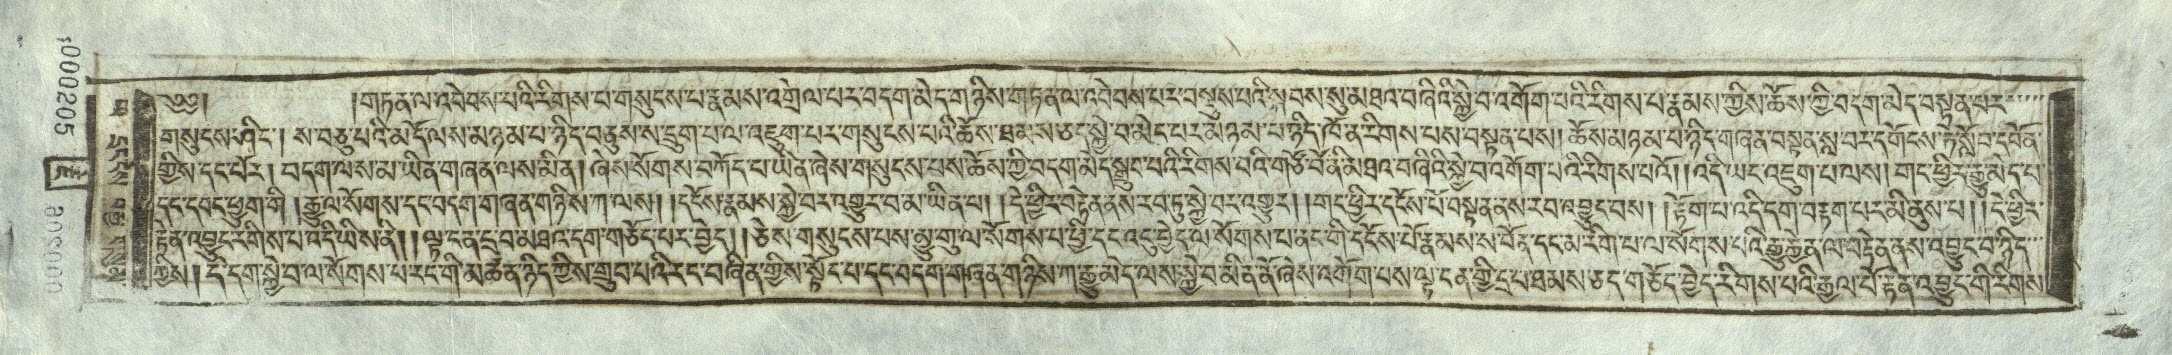༄༅། །གཏན་ལ་འབེབས་པའི་རིགས་པ་གསུངས་པ་རྣམས་འགྲེལ་པར་བདག་མེད་གཉིས་གཏན་ལ་འབེབས་པར་བསྡུས་པའི་སྐབས་སུ་མཐའ་བཞིའི་སྐྱེ་བ་འགོག་པའི་རིགས་པ་རྣམས་ཀྱིས་ཆོས་ཀྱི་བདག་མེད་བསྟན་པར་
གསུངས་ཤིང་། ས་བཅུ་པའི་མདོ་ལས་མཉམ་པ་ཉིད་བཅུས་ས་དྲུག་པ་ལ་འཇུག་པར་གསུངས་པའི་ཆོས་ཐམས་ཅད་སྐྱེ་བ་མེད་པར་མཉམ་པ་ཉིད་ཁོ་ན་རིགས་པས་བསྟན་པས། ཆོས་མཉམ་པ་ཉིད་གཞན་བསྟན་སླ་བར་དགོངས་ཏེ་སློབ་དཔོན་
གྱིས་དང་པོར། བདག་ལས་མ་ཡིན་གཞན་ལས་མིན། ཞེས་སོགས་བཀོད་པ་ཡིན་ཞེས་གསུངས་པས་ཆོས་ཀྱི་བདག་མེད་སྒྲུབ་པའི་རིགས་པའི་གཙོ་བོ་ནི་མཐའ་བཞིའི་སྐྱེ་བ་འགོག་པའི་རིགས་པའོ། །འདི་ཡང་འཇུག་པ་ལས། གང་ཕྱིར་རྒྱུ་མེད་པ་
དང་དབང་ཕྱུག་གི། རྒྱུ་ལ་སོགས་དང་བདག་གཞན་གཉིས་ཀ་ལས། །དངོས་རྣམས་སྐྱེ་བར་འགྱུར་བ་མ་ཡིན་པ། །དེ་ཕྱིར་བརྟེན་ནས་རབ་ཏུ་སྐྱེ་བར་འགྱུར། །གང་ཕྱིར་དངོས་པོ་བསྟན་ནས་རབ་འབྱུང་བས། །རྟོག་པ་འདི་དག་བརྟག་པར་མི་ནུས་པ། །དེ་ཕྱིར་
རྟེན་འབྱུང་རིགས་པ་འདི་ཡིས་ནི། །ལྟ་ངན་དྲ་བ་མཐའ་དག་གཅོད་པར་བྱེད། །ཅེས་གསུངས་པས་མྱུ་གུ་ལ་སོགས་པ་ཕྱི་དང་འདུ་བྱེད་ལ་སོགས་པ་ནང་གི་དངོས་པོ་རྣམས་ས་བོན་དང་མ་རིག་པ་ལ་སོགས་པའི་རྒྱུ་རྐྱེན་ལ་བརྟེན་ནས་འབྱུང་བ་ཉིད་
ཀྱིས། དེ་དག་སྐྱེ་བ་ལ་སོགས་པ་རང་གི་མཚན་ཉིད་ཀྱིས་གྲུབ་པའི་རང་བཞིན་གྱིས་སྟོང་པ་དང་བདག་གཞན་གཉིས་ཀ་རྒྱུ་མེད་ལས་སྐྱེ་བ་མིན་ནོ་ཞེས་འགོག་པས་ལྟ་ངན་གྱི་དྲ་པ་ཐམས་ཅད་གཅོད་བྱེད་རིགས་པའི་རྒྱལ་པོ་རྟེན་འབྱུང་གི་རིགས་